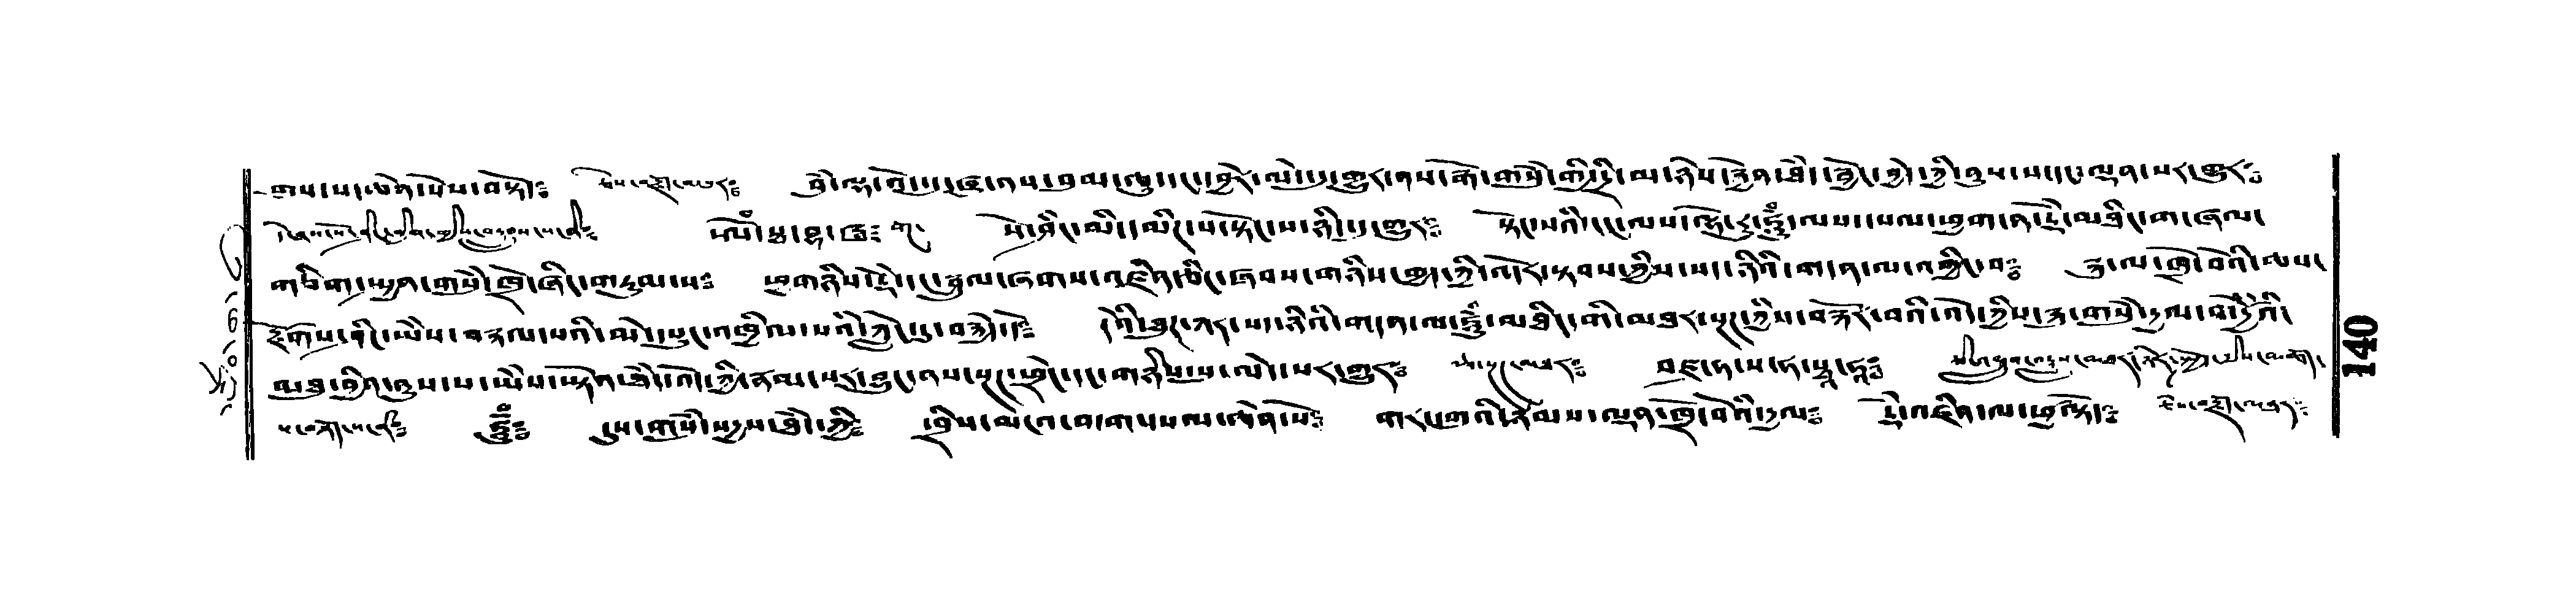གུས་པ་ཆེན་པོས་བསྟོད༔ ཅེས་བརྗོད་མཐར༔ བུམ་ལྷ་འོད་དུ་ཞུ་ནས་བུམ་ཆུ་དང་དབྱེར་མེད་དུ་གྱུར་ནས་སྒོ་གསུམ་གྱི་དྲི་མ་ཉེས་སྐྱོན་ཐམས་ཅད་སྦྱོང་བྱེད་ཀྱི་ནུས་པ་དང་ལྡན་པར་གྱུར༔ 
དེ་ནས་སོ་ཤིང་བྱིན་གྱིས་རློབ་པ་ནི༔ ཨོཾ་སྭ་བྷ་ཝ༴ སོགས༔ སོ་ཤིང་མི་དམིགས་པ་སྟོང་པ་ཉིད་དུ་གྱུར༔ སྟོང་པའི་ངང་ལས་ལྷོ་རུ་ཧཱུྃ་ལས་དཔལ་ཕྱག་ན་རྡོ་རྗེ་མཐིང་ག་ཞལ་
གཅིག་སྤྱན་གསུམ་ཁྲོ་ཞིང་གཏུམ་པ༔ ཕྱག་གཉིས་རྡོ་རྗེ་དང་སྦྲུལ་ཞགས་འཛིན་ཅིང་ཞབས་གཉིས་གྱད་ཀྱི་འདོར་སྟབས་ཀྱིས་པད་ཉིའི་གདན་ལ་འགྱིང་བ༔ སྐུ་ལ་ཁྲོ་བོའི་ཆས་
རྫོགས་ཤིང་ཡེ་ཤེས་བསྐལ་པའི་མེ་དཔུང་འཁྱིལ་པའི་ཀློང་དུ་བསྐྱེད་དོ༔ དེའི་ཐུགས་ཀར་པད་ཉིའི་གདན་ལ་ཧཱུྃ་མཐིང་གི་མཐར་སྔགས་ཀྱིས་བསྐོར་བའི་འོད་ཀྱིས་སྐུ་གསུམ་རྒྱལ་བ་རྒྱ་མཚོའི་
མཐུ་བྱིན་ནུས་པ་ཡེ་ཤེས་ཡོན་ཏན་ཐམས་ཅད་འོད་ཀྱི་རྣམ་པར་བྱུང་ནས་སྔགས་ཕྲེང་དང་གཉིས་སུ་མེད་པར་གྱུར༔ རྩ་སྔགས་མཐར༔ བཛྲ་ཧ་ས་ཧ་སྭཱ་ཧཱ༔ ཅི་འགྲུབ་བཟླས་མཐར་ཉེར་སྤྱོད་ཀྱིས་མཆོད་
ལ་བསྟོད་པ་ནི༔ ཧཱུྃ༔ དུས་གསུམ་སངས་རྒྱས་ཐམས་ཅད་ཀྱི༔ ཕྲིན་ལས་མངའ་བདག་དཔལ་ཆེན་པོ༔ གར་དགུའི་ཉམས་ལྡན་ཁྲོ་བའི་རྒྱལ༔ རྡོ་རྗེ་འཛིན་ལ་ཕྱག་འཚལ་བསྟོད༔ ཅེས་བརྗོད་མཐར༔